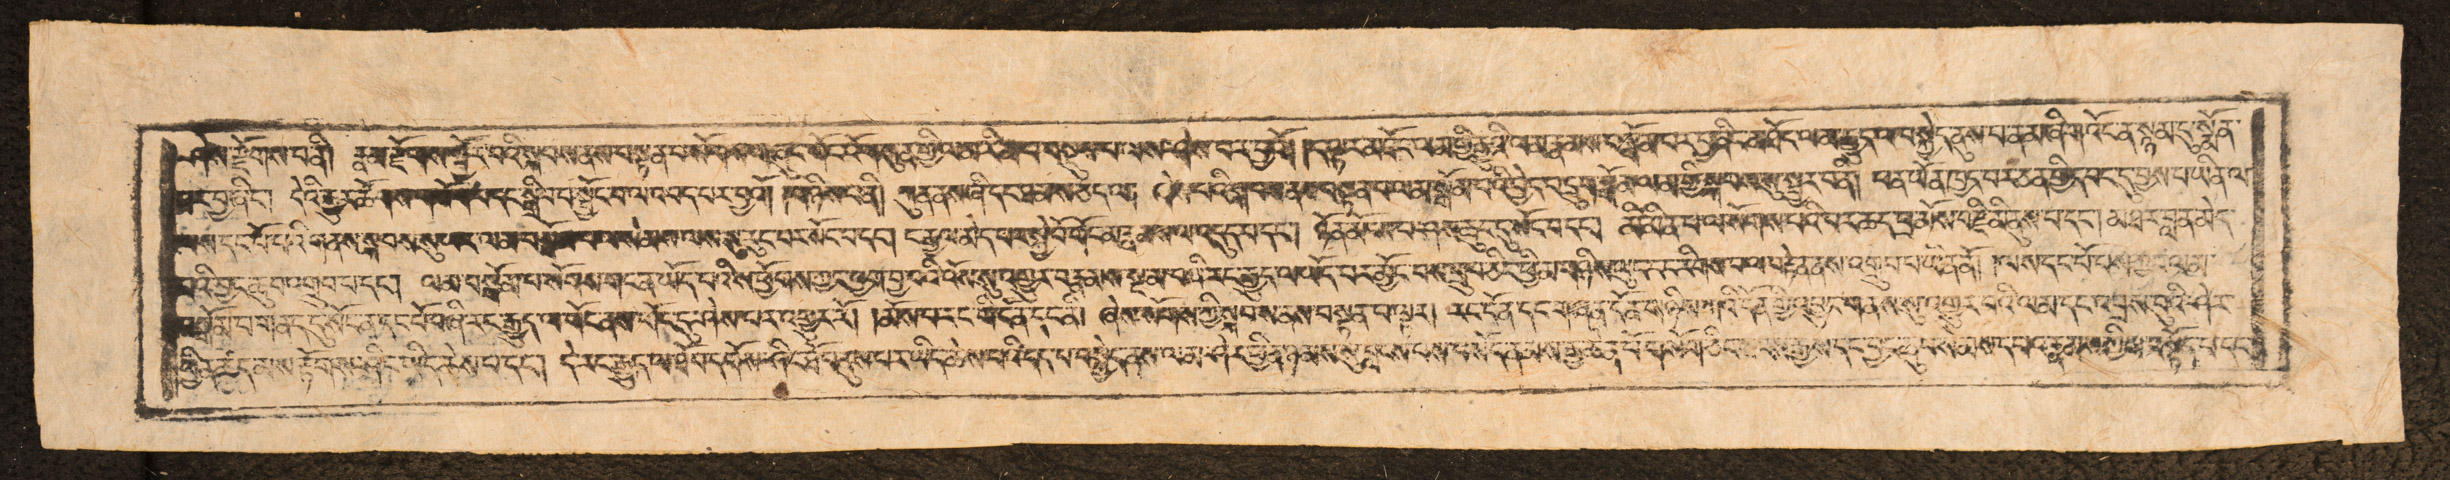ཤེས་རྫོགས་པ་ནི། རྣམ་རྫོགས་སྦྱོར་བའི་སྐབས་ནས་བསྟན་པ་སོགས་གཞུང་གོང་འོག་ཀུན་གྱི་ལམ་རིམ་པ་བསྡུས་པ་ལས་ཤེས་པར་བྱའོ། །ད་ལྟར་མཐོང་ལམ་གྱི་རྒྱུའི་ལམ་རྣམས་བསྒོམ་པར་བྱ་ཞིང་མཐོང་ལམ་རྒྱུད་ལ་བསྐྱེད་ནུས་པ་ནམ་ཞིག་འོང་ན་སྙམ་དུ་སྨོན་
པར་བྱ་ཞིང་། དེའི་རྒྱུར་ཚོགས་གསོག་པ་དང་སྒྲིབ་པ་སྦྱོང་བ་ལ་འབད་པར་བྱའོ། །གཉིས་པ་ནི། ཀུན་ནས་ཞི་དང་ཐམས་ཅད་ལ། ཞེས་པའི་སྐབས་ནས་བསྟན་པ་ལམ་སྒོམ་པའི་བྱེད་པ་དྲུག་སྒོམ་ལམ་གྱི་སྐབས་སུ་སྦྱར་བ་ནི། ཕན་ཡོན་ཁྱད་པར་ཅན་གྱི་དབང་དུ་བྱས་པ་ཡིན་ལ་
ལས་དང་པོ་པའི་གནས་སྐབས་སུ་ཡང་ལམ་བསྒོམ་པ་ལ་སེམས་ལས་སུ་རུང་བར་སོང་བ་དང་། ང་རྒྱལ་མེད་པར་སྐྱེ་བོ་གོང་མ་རྣམས་ལ་འདུད་པ་དང་། ཉོན་མོངས་པ་ཤས་ཆུང་དུ་སོང་བ་དང་། མི་མིན་པ་ལ་སོགས་པའི་བར་ཆད་ཕྲ་མོས་བརྫི་མི་ནུས་པ་དང་། མཐར་བླ་ན་མེད་
པའི་བྱང་ཆུབ་འགྲུབ་པ་དང་། ལམ་བསྒོམ་པ་སོགས་གང་ན་ཡོད་པའི་ས་ཕྱོགས་ཀྱང་ཕྱག་བྱ་བའི་འོས་སུ་འགྱུར་བ་རྣམས་སྔ་མ་བཞི་རང་རྒྱུད་ལ་ཡོད་པར་མྱོང་བས་གྲུབ་ཅིང་ཕྱི་མ་གཉིས་ལུང་དེང་?་རིགས་པ་ལ་བརྟེན་ནས་འགྲུབ་པ་ཡིན་ནོ། །ལས་དང་པོ་པས་ཀྱང་ལམ་
བསྒོམ་པ་གནད་དུ་སོང་ན་དང་པོ་བཞི་རང་རྒྱུད་ལ་གོང་ནས་གོང་དུ་ཤེས་པར་འགྱུར་རོ། །མོས་པ་རང་གི་དོན་དང་ནི། ཞེས་སོགས་ཀྱི་སྐབས་ནས་བསྟན་པ་ལྟར། རང་དོན་དང་གཞན་དོན་གཉིས་ཀའི་དོན་གྱི་འབྱུང་གནས་སུ་འགྱུར་བའི་ལམ་དང་འབྲས་བུའི་ཤེར་
ཕྱིན་ཚད་མས་རྟོགས་ཤིང་ཡིད་ཆེས་པ་དང་། དེ་རང་རྒྱུད་ལ་ཐོབ་དགོས་ཤིང་ཐོབ་ནུས་པར་ཡིད་ཆེས་པའི་དད་པ་བསྐྱེད་ནས་ལམ་ཤེར་ཕྱིན་ཉམས་སུ་བླངས་པས་བསོད་ནམས་རྒྱ་ཆེན་པོ་གསོག་ཅིང་སངས་རྒྱས་དང་བྱང་ཆུབ་སེམས་དཔའ་རྣམས་ཀྱིས་བསྟོད་པ་དང་